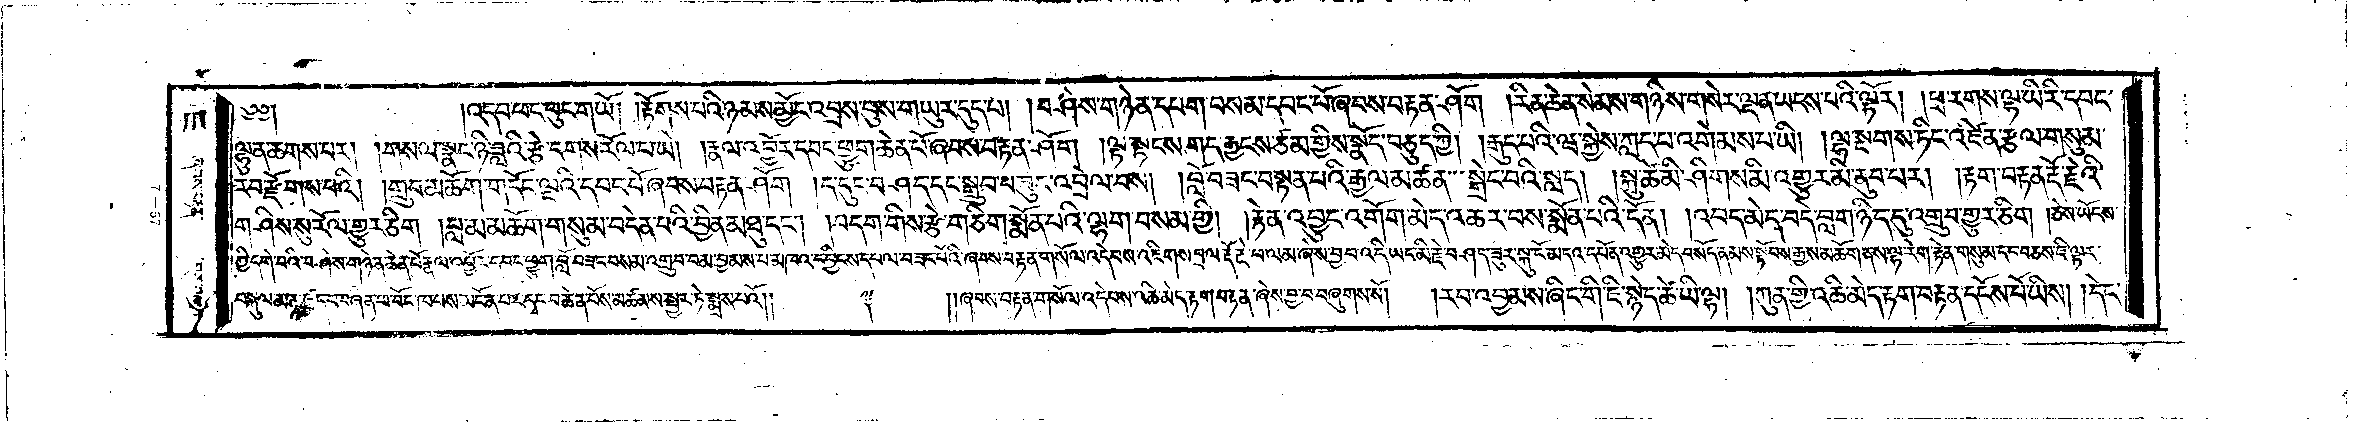༄༅། །འདབ་ཕང་ཕུང་གཡོ། །རྟོགས་པའི་ཉམས་མྱོང་འབྲས་བུས་གཡུར་དུད་པ། །བཤེས་གཉེན་དཔག་བསམ་དབང་པོ་ཞབས་བརྟན་ཤོག །རིན་ཆེན་སེམས་གཉིས་གསེར་ལྡན་ཡངས་པའི་ལྟོར། །ཕྲ་རགས་ལྷ་ཡི་རི་དབང་
ལྷུན་ཆགས་པར། །གསལ་སྣང་ཉི་ཟླའི་རྩེད་གས་རོལ་པ་ཡི། །རྣལ་འབྱོར་དབང་ཕྱུག་ཆེན་པོ་ཞབས་བརྟན་ཤོག །ལྟ་སྟངས་གད་རྒྱངས་ཅམ་གྱིས་སྣོད་བཅུད་ཀྱི། །རྒུང་པའི་ཝ་སྐྱེས་ཀླད་པ་འགེམས་པ་ཡི། །ལྷ་སྔགས་ཏིང་འཛིན་རྩལ་གསུམ་
རབ་རྫོགས་པའི། །གྲུབ་མཆོག་གདོང་ལྔའི་དབང་པོ་ཞབས་བརྟན་ཤོག །ད་དུང་བཤད་དང་སྒྲུབ་བཟུང་འབྲལ་བས། །བློ་བཟང་བསྟན་པའི་རྒྱལ་མཚན་བསྒྲེང་པའི་སླད། །སྐུ་ཚེ་མི་ཤིགས་མི་འགྱུར་མི་ནུབ་པར། །རྟག་བརྟན་རྡོ་རྗེའི་
གཤིས་སུ་རོལ་གྱུར་ཅིག །བླ་མ་མཆོག་གསུམ་བདེན་པའི་བྱིན་མཐུ་དང་། །བདག་གིས་རྩེ་གཅིག་སྨོན་པའི་ལྷག་བསམ་གྱི། །རྟེན་འབྱུང་འགོག་མེད་འཆར་བས་སྨོན་པའི་དོན། །འབད་མེད་བདེ་བླག་ཉིད་དུ་འགྲུབ་གྱུར་ཅིག །ཅེས་ཡོངས་
ཀྱི་དགེ་བའི་བཤེས་གཉེན་ཆེན་པོ་རྣལ་འབྱོར་དབང་ཕྱུག་བློ་བཟང་བསམ་འགྲུབ་བམ་བྱམས་པ་མཁའ་དབྱིངས་དཔལ་བཟང་པོའི་ཞབས་བརྟན་གསོལ་འདེབས་འཇིགས་བྲལ་རྡོ་རྗེ་ལ་ལམ་ཞེས་བྱ་བ་འདི་ལང་མི་རྗེ་བཤད་ཟུར་སྐུ་ངོ་མདའ་དཔོན་འགྱུར་མེད་བསོད་ནམས་སྟོབས་རྒྱས་མཆོག་ནས་ལྟ་རེག་རྟེན་གསུམ་དང་བཅས་ཇི་ལྟར་
བསྐུལ་མ་མཛད་པ་བཞིན་ཕ་བོང་ཁ་བས་མངོན་པར་དྭང་པ་ཆེན་པོས་མཚམས་སྦྱར་ཏེ་སྨྲས་པའོ།། ༈ །།ཞབས་བརྟན་གསོལ་འདེབས་འཆི་མེད་རྟག་བརྟན་ཞེས་བྱ་བ་བཞུགས་སོ། །རབ་འབྱམས་ཞིང་གི་ཇི་སྙེད་ཚེ་ཡི་ལྷ། །ཀུན་གྱི་འཆི་མེད་རྟག་བརྟན་དངོས་པོ་ཡིས། །དེང་